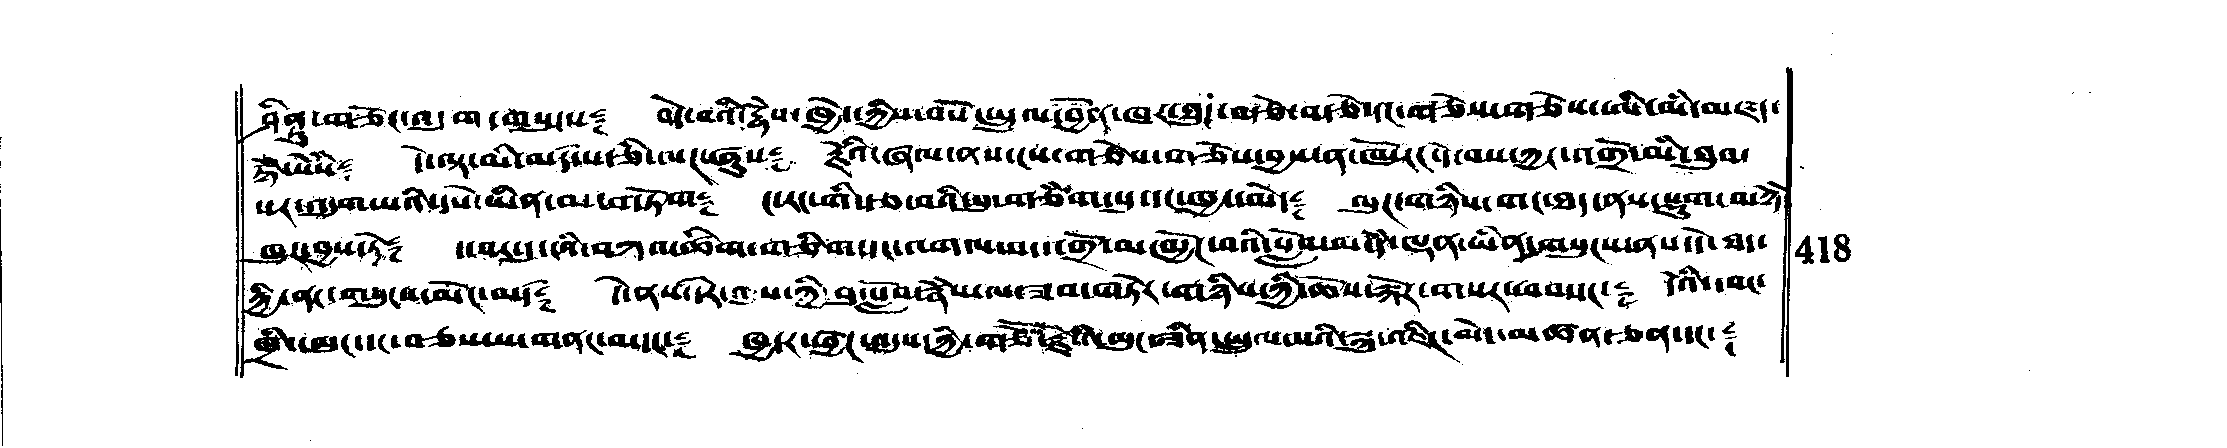ཤིན་ཏུ་གཅོང་འདུག་གསུངས། བདེ་བའི་རྡོ་རྗེས་ཁྱེད་ཀྱིས་བསོ་སྤྲུལ་བྱོན་ཁར་ཐུགས་བརྩེ་བརྩེ་དང་གཅེས་གཅེས་ཨི་མི་མཛད་
སྙམ་སེམས། དེ་ལྟ་མི་མཛད་པ་ཅི་ལགས་ཞུས། རྗེའི་ཞལ་ནས་ངས་གཅེས་གཅེས་བྱས་ན་ཁོ་རང་དེ་བས་ཀྱང་འགྲོ་མི་ཐུབ་
པར་འདུག་པས་དེས་ཡིན་མ་གཏོགས། ང་རང་གི་རྩ་བའི་བུ་གཅིག་བུ་དང་ཁྱད་མེད། ལུགས་གཉིས་གང་ཐད་ནས་སྡུག་མཉམ་
ཁུར་བྱས་ཏེ། ད་བར་དུ་ངའི་བཀའ་ཚིག་གཅིག་དང་འགལ་བ་འགྲོ་མ་མྱོང་བའི་སློབ་མ་དམ་ལྡན་ཡིན་གསུངས་ནས་དེ་ཐད་
ཀྱི་ནང་གསུང་མང་པོ་མཛད། དེ་ནས་དེར་འདུས་ཀྱི་བུ་སློབ་རྣམས་ལ་ཟབ་གཏེར་གཉིས་ཀྱི་ཆོས་སྐོར་གསར་ཕབ་དང་། དེའི་དབང་
ཁྲིད་ལུང་དང་བཅས་པ་གནང་བ་དང་། ཁྱད་པར་ཕྱོགས་འདུས་ཀྱི་གཙོ་བོ་རྗེའི་ལུང་ཟིན་སྤྲུལ་པའི་སྐུ་འཇིགས་མེད་མཚན་ཅན་དང་།